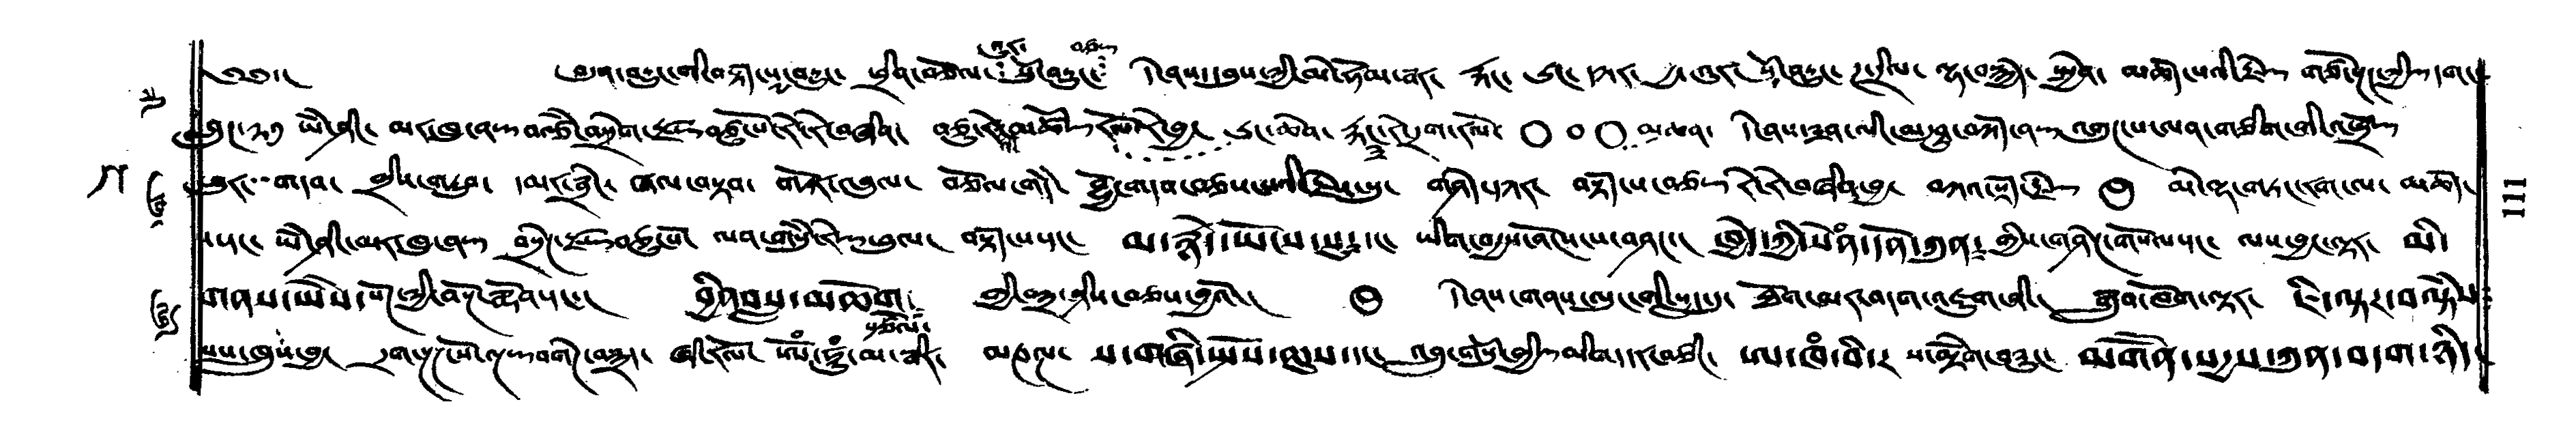༡༡༡༽ བདུན་རྡུང་གིས་བསྟོད་པ། བདུན་བརྡུང་། ཕྲིན་བཅོལ། འུར་སུམ་རྡུང་བཅས། དེ་ནས་དབུས་ཀྱི་མེ་ཧོམ་སྦར། རྐང་། དུང་། དཀར། རྒྱ། འུར། སུམ་རྡུང་། ཌཱ་དྲིལ། ལྷ་སྐྱེད། སྤྱན་འདྲེན། མཆོད་པའི་རྗེས། གཙོ་སྔགས་ཀྱིས་དགང་
བླུགས་ཉེར་གཅིག་དང་ཡམ་ཤིང་། མར་ཁུ་ནས་བརྩམས་སྲེག་རྫས་བཅུ་པོ་རེ་རེ་བཞིན་བཅུ་རེའི་མཚམས་རོལ་མོ་རེ་བྱ། དེ་ནས་ཟན་ལིང་མདུན་ཏུ་བཀོད་ནས། འགུགས་པ་ལན་གཅིག་གི་འཕྲོས། 
ཕུར་གདབ། གྲིས་གཏུབ། དམར་སྦྲེང་། ཞལ་བསྟབ། གཏོར་འབུལ། བཅོལ་གདམས། བྷྱོ་གདབ་བཅས་ཀྱི་རྗེས་སུ། གཤེད་དཀར། བསྟོད་པ་བཅས་རེ་རེ་བཞིན་བྱ། བཀའ་སྡོད་རྗེས། མེ་ལྷའི་གཏང་རག་ལ། མཆོད་
པ་དང་། ཡམ་ཤིང་མར་ཁུ་ནས་སྲེག་རྫས་བཅུ་པོ་ལན་གསུམ་རེས་ཕུལ། བསྟོད་པ་དང་། མ་རྙེད་ཡོངས་སུ༴ དང་། ཡིག་བརྒྱས་ནོངས་པ་བཤགས། ཁྱེད་ཀྱིས་སེམས་ཅན་དོན་ཀུན༴ གྱིས་གཤེགས་གསོལ་དང་། ལས་བྱང་ལྟར། མི་
གནས་ཡེ་ཤེས༴ སོགས་ཀྱིས་བསྔོ་སྨོན་དང་། བྱིན་རླབས་མཆོག་སྩོལ༴ གྱིས་བཀྲ་ཤིས་བཅས་བྱའོ།། དེ་ནས་གནས་ལུང་གི་སླད་དུ། ཐོག་མར་བདག་འཇུག་ནི། སྒྲུབ་ཁོག་ལྟར། ཇི་ལྟར་བལྟམས་
པས་ཁྲུས་བྱ། དྲག་སྔགས་སོ་ལྔས་བགེགས་བསྐྲད། ཞི་རོལ། ཨོཾ་ཧཱུཾ་མ་སྦིར། མཎྜལ། ས་གཞི་སྤོས་ཆུས་དང་། འབྲུ་གསུམ་གྱིས་མིག་དར་བཅིང་། ཨ་ཁཾ་བི་ར་ས་མེ་ཏོག་གཟུང་། མགོན་པོ་སངས་རྒྱས་ཀུན་བདག་ཉིད།